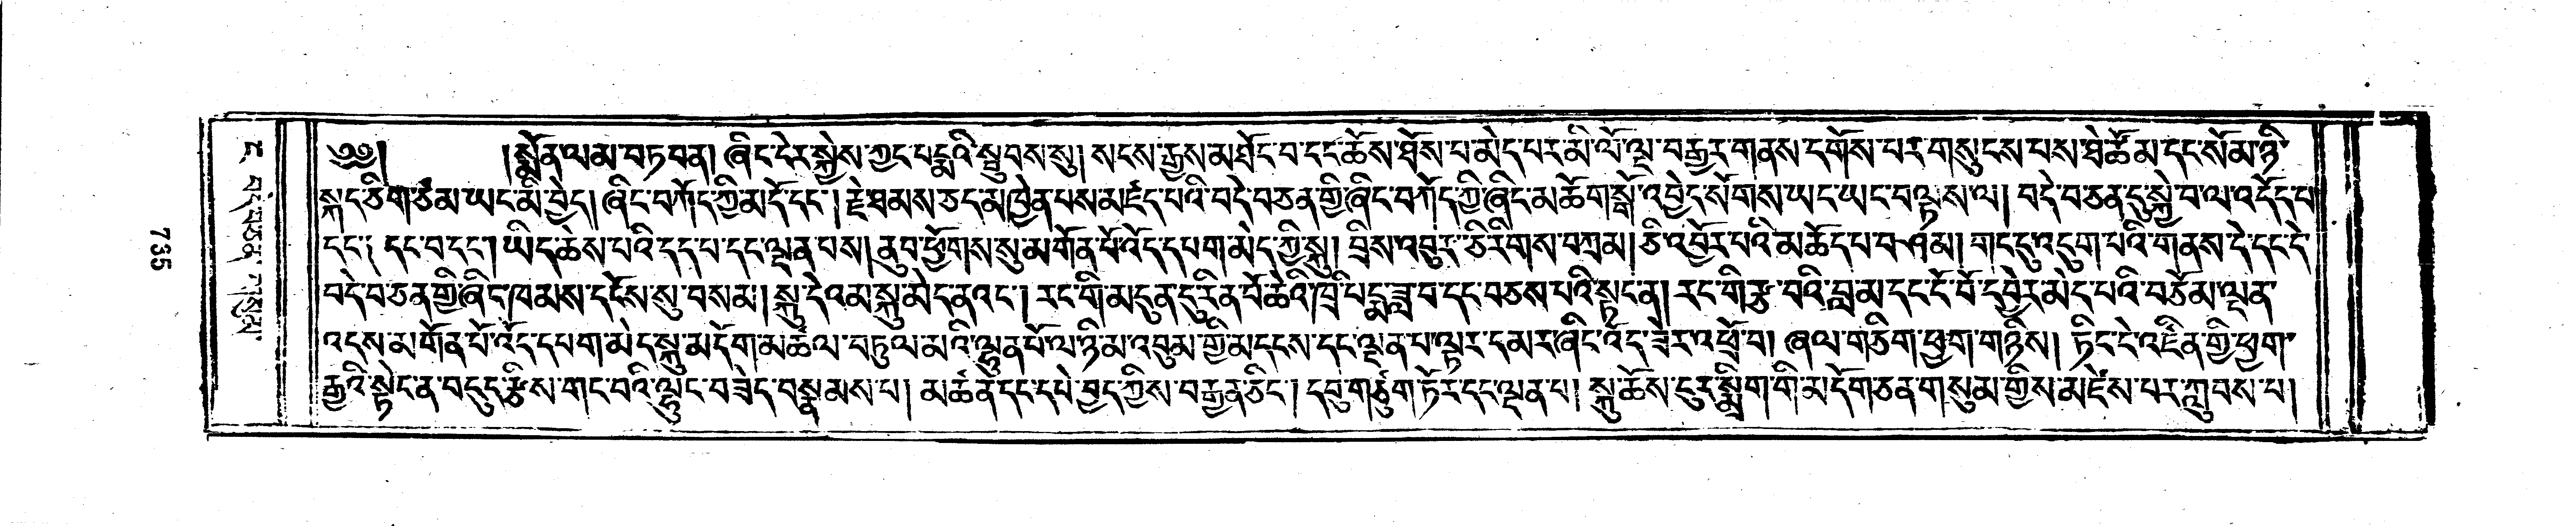༄༅། །སྨོན་ལམ་བཏབ་ན། ཞིང་དེར་སྐྱེས་ཀྱང་པདམའི་སྦུབས་སུ། སངས་རྒྱས་མཐོང་བ་དང་ཆོས་ཐོས་པ་མེད་པར་མི་ལོ་ལྔ་བརྒྱར་གནས་དགོས་པར་གསུངས་པས་ཐེ་ཚོམ་དང་སོམ་ཉི་
སྐད་ཅིག་ཙམ་ཡང་མི་བྱེད། ཞིང་བཀོད་ཀྱི་མདོ་དང་། རྗེ་ཐམས་ཅད་མཁྱེན་པས་མཛད་པའི་བདེ་བ་ཅན་གྱི་ཞིང་བཀོད་ཀྱི་ཞིང་མཆོག་སྒོ་འབྱེད་སོགས་ཡང་ཡང་བལྟས་ལ། བདེ་བ་ཅན་དུ་སྐྱེ་བ་ལ་འདོད་པ་
དང་། དང་བ་དང་། ཡིད་ཆེས་པའི་དད་པ་དང་ལྡན་པས། ནུབ་ཕྱོགས་སུ་མགོན་པོ་འོད་དཔག་མེད་ཀྱི་སྐུ། བྲིས་འབུར་ཅི་རིགས་བཀྲམ། ཅི་འབྱོར་པའི་མཆོད་པ་བཤམ། གང་དུ་འདུག་པའི་གནས་དེ་དང་དེ་
བདེ་བ་ཅན་གྱི་ཞིང་ཁམས་དངོས་སུ་བསམ། སྐུ་དེའམ་སྐུ་མེད་ནའང་། རང་གི་མདུན་དུ་རིན་པོ་ཆེའི་ཁྲི་པདམ་ཟླ་བ་དང་བཅས་པའི་སྟེང་ན། རང་གི་རྩ་བའི་བླ་མ་དང་ངོ་བོ་དབྱེར་མེད་པའི་བཅོམ་ལྡན་
འདས་མགོན་པོ་འོད་དཔག་མེད་སྐུ་མདོག་མཚལ་བཏུལ་མའི་ལྷུན་པོ་ལ་ཉི་མ་འབུམ་གྱི་མདངས་དང་ལྡན་པ་ལྟར་དམར་ཞིང་འོད་ཟེར་འཕྲོ་བ། ཞལ་གཅིག་ཕྱག་གཉིས། ཏིང་ངེ་འཛིན་གྱི་ཕྱག་
རྒྱའི་སྟེང་ན་བདུད་རྩིས་གང་བའི་ལྷུང་བཟེད་བསྣམས་པ། མཚན་དང་དཔེ་བྱད་ཀྱིས་བརྒྱན་ཅིང་། དབུ་གཙུག་ཏོར་དང་ལྡན་པ། སྐུ་ཆོས་ངུར་སྨྲིག་གི་མདོག་ཅན་གསུམ་གྱིས་མཛེས་པར་ཀླུབས་པ།